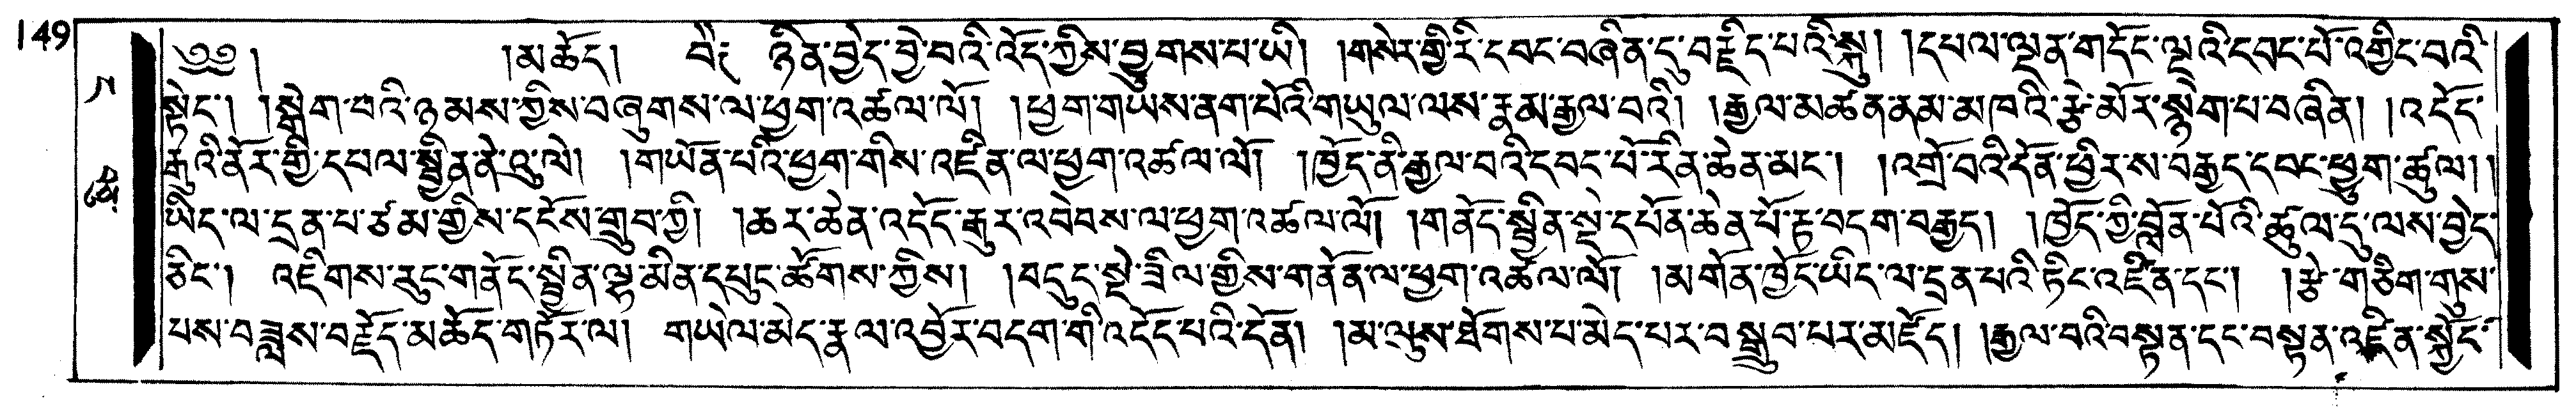༄༅། །མཆོད། བཻ༑ ཉིན་བྱེད་བྱེ་བའི་འོད་ཀྱིས་བྱུགས་པ་ཡི། །གསེར་གྱི་རི་དབང་བཞིན་དུ་བརྗིད་པའི་སྐུ། །དཔལ་ལྡན་གདོང་ལྔའི་དབང་པོ་འགྱིང་བའི་
སྟེང་། །སྒེག་པའི་ཉམས་ཀྱིས་བཞུགས་ལ་ཕྱག་འཚལ་ལོ། །ཕྱག་གཡས་ནག་པོའི་གཡུལ་ལས་རྣམ་རྒྱལ་བའི། །རྒྱལ་མཚན་ནམ་མཁའི་རྩེ་མོར་སྙེག་པ་བཞིན། །འདོད་
རྒུའི་ནོར་གྱི་དཔལ་སྦྱིན་ནེ་འུ་ལེ། །གཡོན་པའི་ཕྱག་གིས་འཛིན་ལ་ཕྱག་འཚལ་ལོ། །ཁྱོད་ནི་རྒྱལ་བའི་དབང་པོ་རིན་ཆེན་མང་། །འགྲོ་བའི་དོན་ཕྱིར་ས་བརྒྱད་དབང་ཕྱུག་ཚུལ། །
ཡིད་ལ་དྲན་པ་ཙམ་གྱིས་དངོས་གྲུབ་ཀྱི། །ཆར་ཆེན་འདོད་རྒུར་འབེབས་ལ་ཕྱག་འཚལ་ལོ། །གནོད་སྦྱིན་སྡེ་དཔོན་ཆེན་པོ་རྟ་བདག་བརྒྱད། །ཁྱོད་ཀྱི་བློན་པོའི་ཚུལ་དུ་ལས་བྱེད་
ཅིང་། འཇིགས་རུང་གནོད་སྦྱིན་ལྷ་མིན་དཔུང་ཚོགས་ཀྱིས། །བདུད་སྡེ་ཟིལ་གྱིས་གནོན་ལ་ཕྱག་འཚལ་ལོ། །མགོན་ཁྱོད་ཡིད་ལ་དྲན་པའི་ཏིང་འཛིན་དང་། །རྩེ་གཅིག་གུས་
པས་བཟླས་བརྗོད་མཆོད་གཏོར་ལ། གཡེལ་མེད་རྣལ་འབྱོར་བདག་གི་འདོད་པའི་དོན། །མ་ལུས་ཐོགས་པ་མེད་པར་བསྒྲུབ་པར་མཛོད། །རྒྱལ་བའི་བསྟན་དང་བསྟན་འཛིན་སྐྱོང་